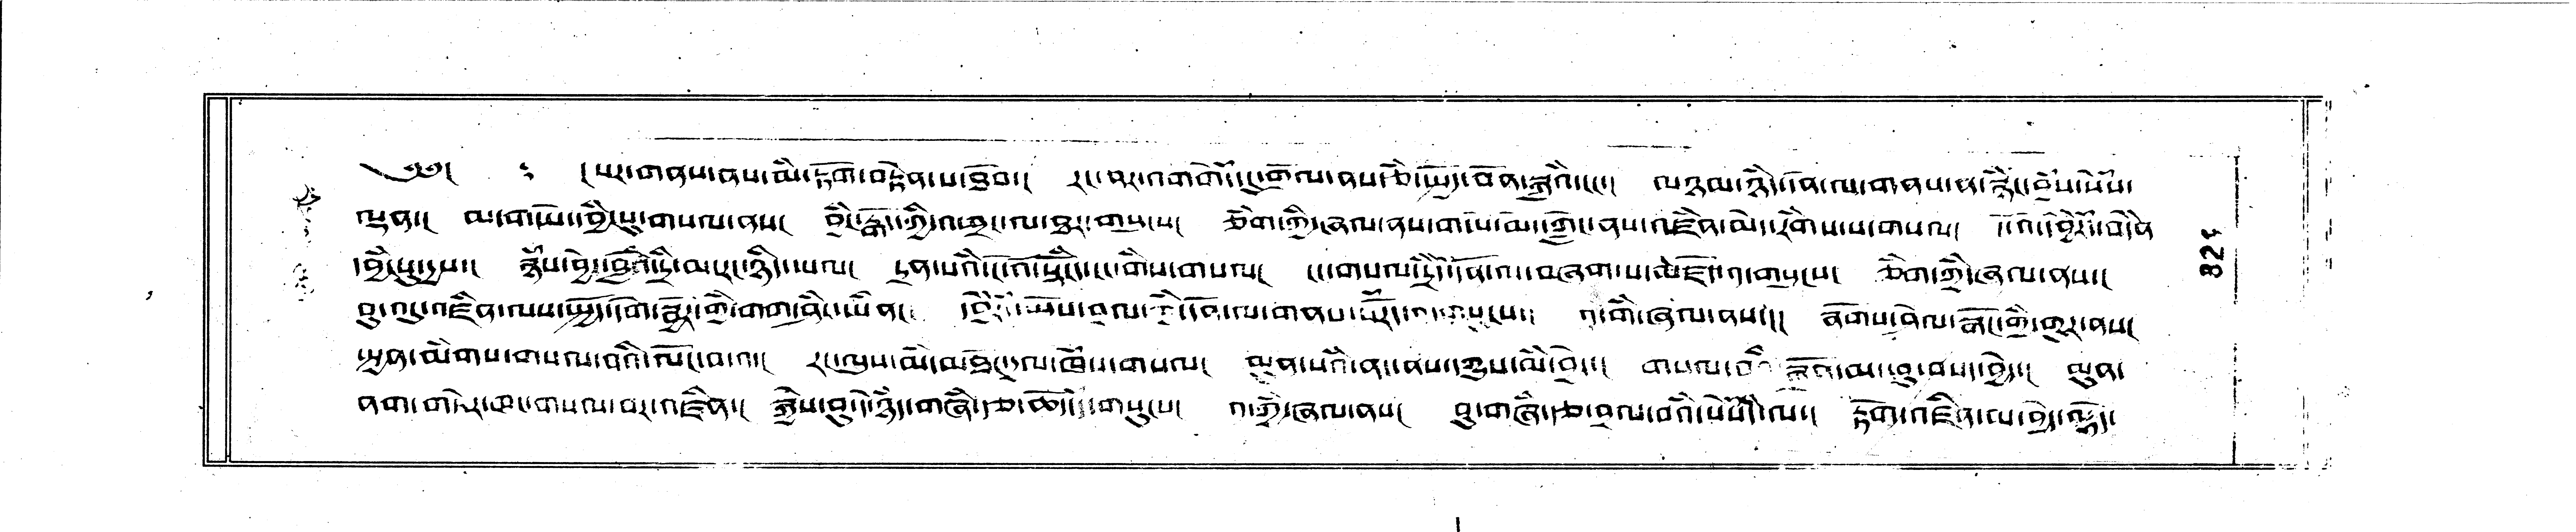སར་གནས་ནས་མི་རྟོག་བརྟན་པ་ཐོབ། །རང་ཤར་འགག་མེད་དུ་གྲོལ་ནས་ཅི་སྤྱོད་བོན་སྐུའི་ངང་། །མཉམ་ཉིད་དོན་ལ་གནས་ན་སྙིང་རྗེ་བྱམས་སེམས་
ལྡན། །མ་གཡོ་དབྱིངས་སུ་གསལ་ནས་བྱིང་རྒོད་ཀྱི་འཕྲང་ལ་ཐར་གསུངས། །གཅིག་གི་ཞལ་ནས། གཡོ་མེད་ཀློང་ནས་འཛིན་མེད་རིག་པ་གསལ། །ངོའོ་དབྱེར་མེད་བདེ་ཆེན་
དབྱིངས་སུ་རྒྱས། །སྙམ་བྱེད་བློའི་དྲི་མ་རང་ཉིད་ཡལ། །དྲན་པའི་ངོའོ་སྟོང་ཉིད་ངང་གིས་གསལ། །ངང་གསལ་དྲི་མེད་དོན་ལ་བཞག་པ་མཛོད་ཅིག་གསུངས། །གཅིག་ཀྱི་ཞལ་ནས། 
བུ་འདུ་འཛིན་༼འཛིའི༽ལས་སྤྱོད་དགེ་སྦྱོར་གྱི་གགས་ཤིང་ཡིན། དབྱེར་མེད་སྤྲོས་བྲལ་གྱི་དོན་ལ་གནས་པར་མཛོད་ཅིག་གསུངས། གཅིག་གི་ཞལ་ནས། སྣ་ཚོགས་ཤེལ་སྒོང་གི་གུར་ནས། 
།སྤྱན་མིག་གསལ་བའི་ལོང་བ་གཅིག །རང་ལུས་མི་མཐོང་རྒྱལ་ཁམས་གསལ། །མུན་པའི་ནང་ནས་དཀྱུས་མི་བྱེད། །གསལ་བའི་སྒྲོན་མ་ཕུ་བསད་བྱེད། །མུན་
ནག་གཏེར་ཁང་གསལ་བར་འཛིན། །སྐྱེས་བུ་དེ་ཉིད་གཞི་རྩ་ཆོད་དམ་གསུངས། །གཅིག་ཀྱི་ཞལ་ནས། བུ་གཞི་རྩ་བྲལ་བའི་སེམས་ཉིད་ལ། རྟོག་འཛིན་མ་བྱེད་ལྷོད་